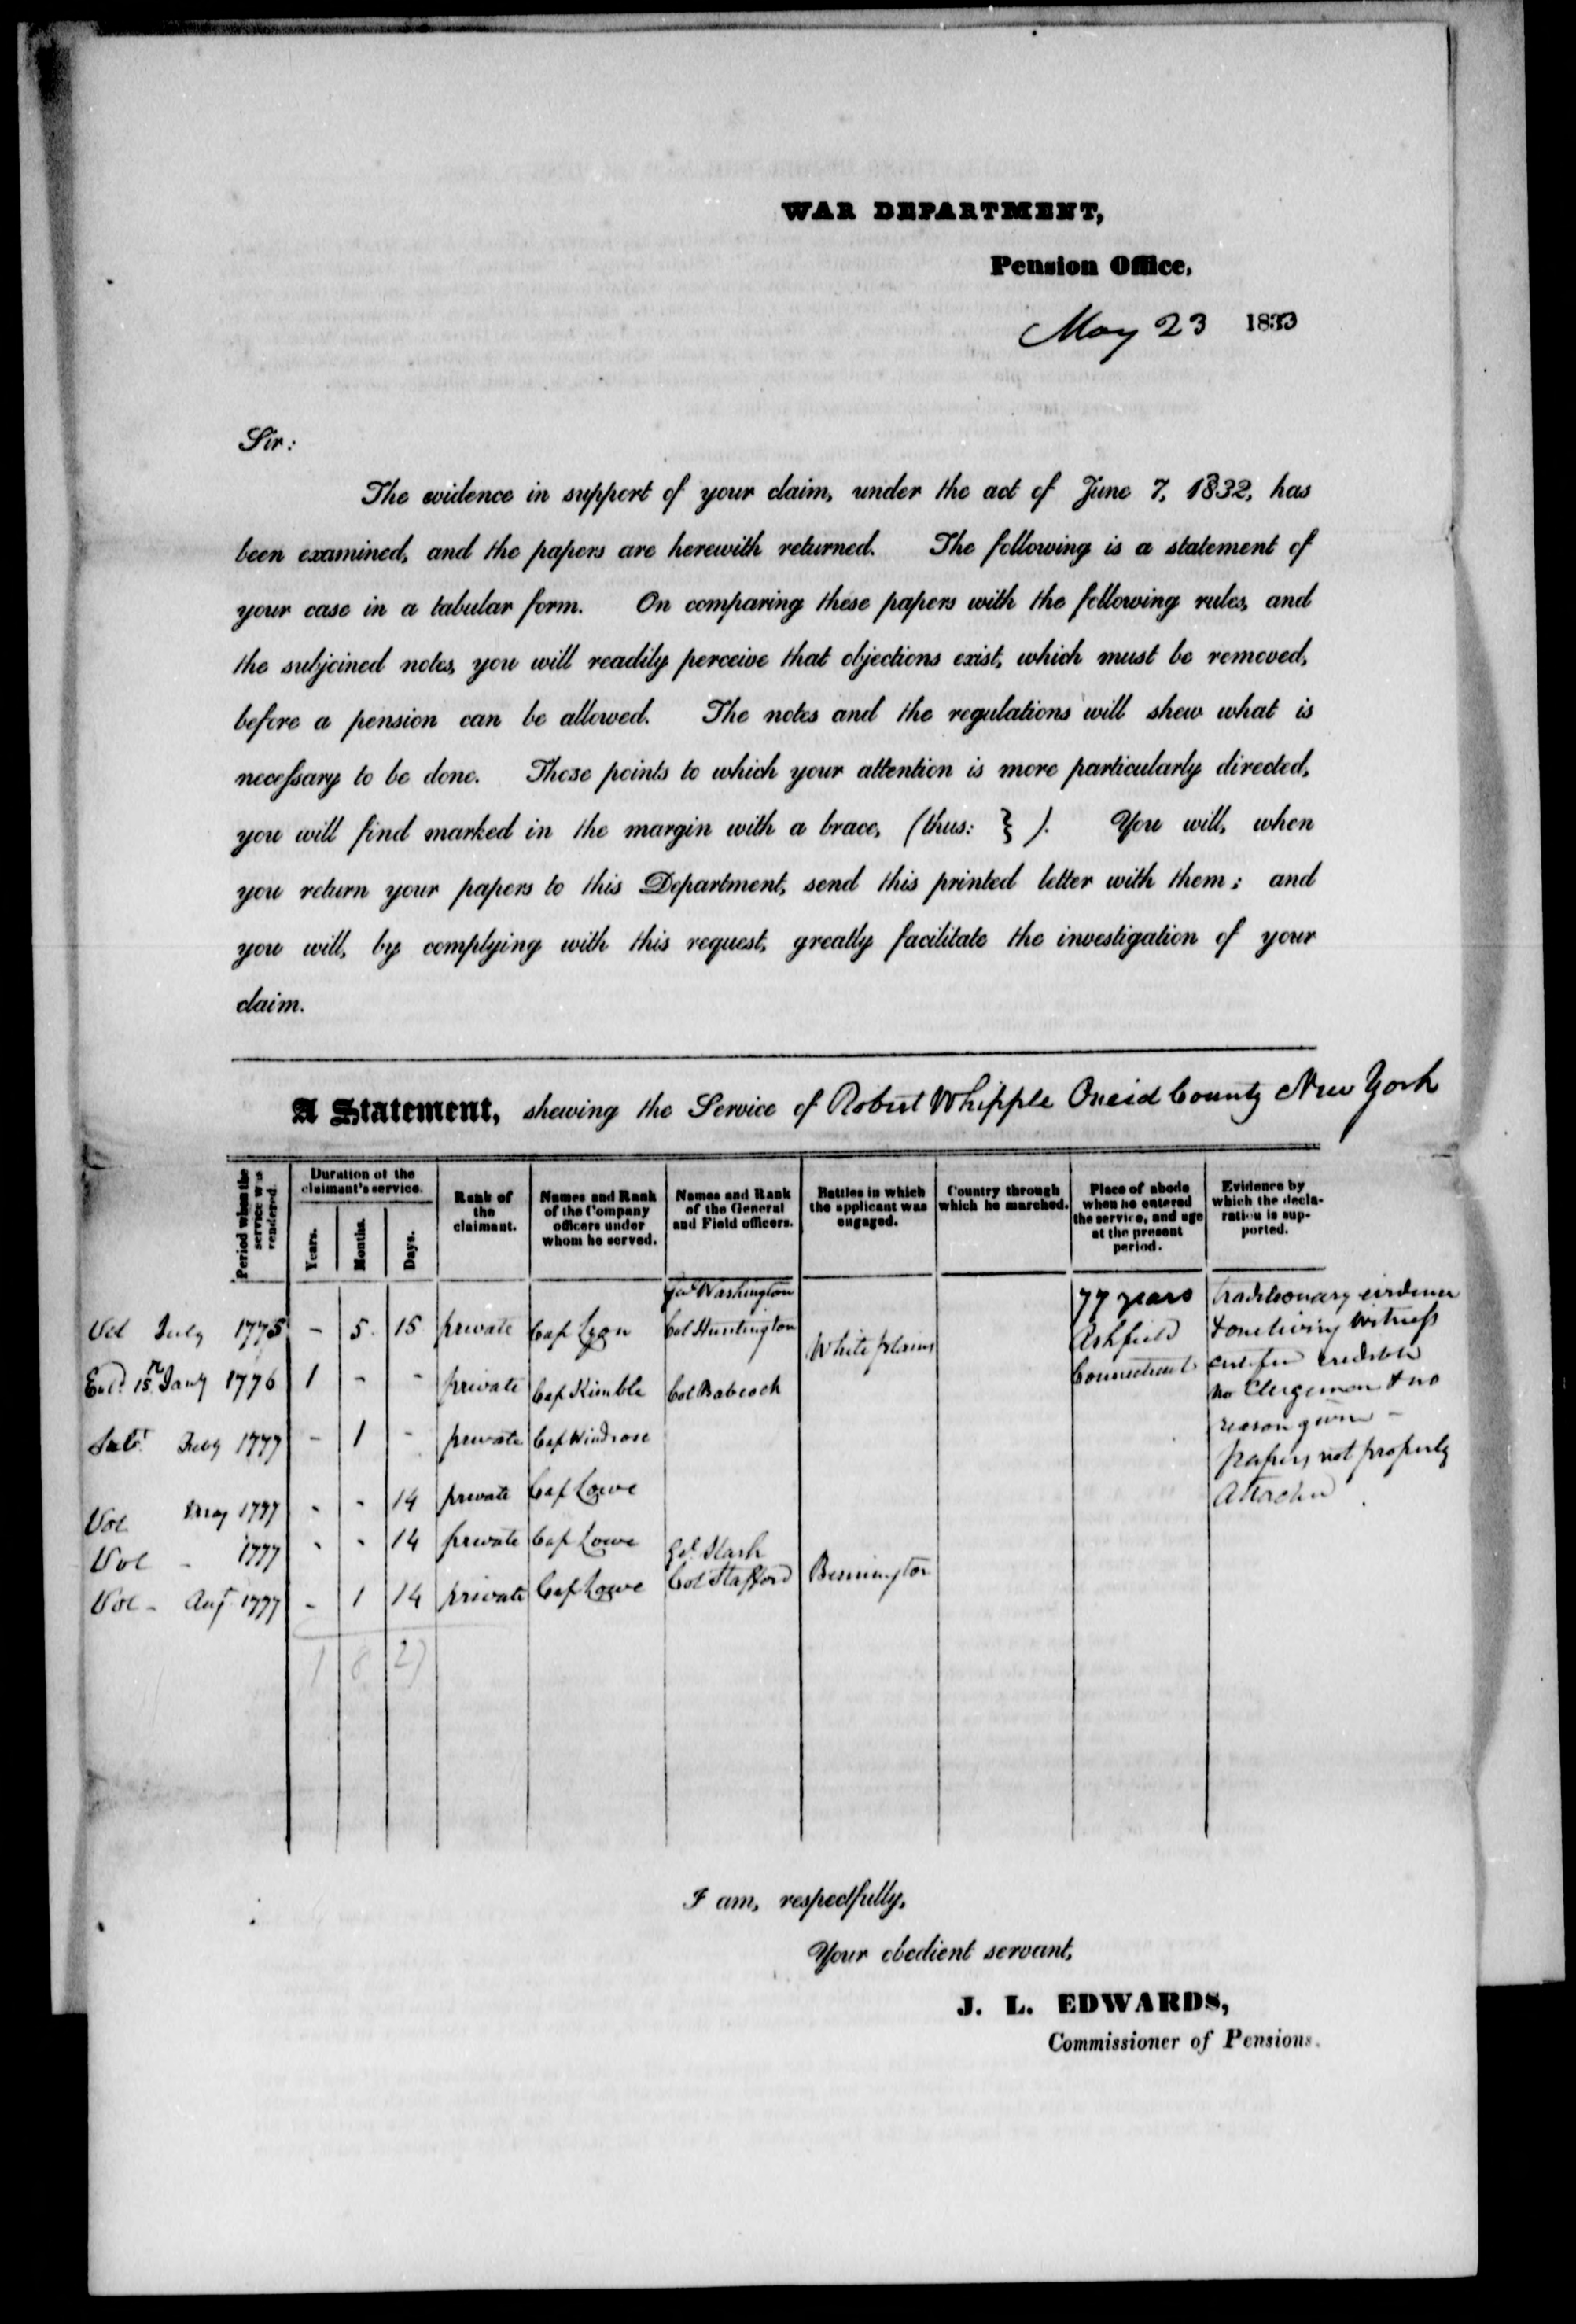WAR DEPARTMENT,

Pension Office.

May 23 1833

Sir:

The evidence in support of your claim, under the act of June 7, 1832, has been examined, and the papers are herewith returned.  The following is a statement of your case in a tabular form.  On comparing these papers with the following rules, and the subjoined notes, you will readily perceive that objections exist, which must be removed, before a pension can be allowed.  The notes and the regulations will show what is necessary to be done.  Those points to which your attention is more particularly directed, you will find marked in the margin with a brace, (thus:  } ).  You will, when you return your papers to this Department, send this printed letter with them; and you will, by complying with this request, greatly facilitate the investigation of your claim.

A Statement, showing the Service of Robert Whipple Oneida County New York

Period when the service was rendered.
Vol July 1775
End. 15 Jany 1776
Subt. Feby 1777
Vol. May 1777
Vol. - 1777
Vol. Augt. 1777

Duration of the claimant's service.
5 months 15 days
1 year
1 month
14 days
14 days
1 month 14 days

Rank of the claimant.
private

Names and Rank of the Company officers under whom he served.
Cap Lyon
Cap Kimble
Cap Windrose
Cap Lowe
Cap Lowe
Cap Low

Names and Rank of the General and Field officers.
Genl Washington
Col Huntington
Col Babcock
Genl Stark
Col Stafford

Battles in which the applicant was engaged.
White Plains
Bennington

Country through which he marched.
[left blank]

Place of abode when he entered the service, and age at the present period.
77 years
Ashfield
Gloucester

Evidence by which the declaration is supported.
traditionary evidence
& one living witness
certified credible
no clergyman & no reason given - 
papers not properly attached.


I am, respectfully,
Your obedient servant,
J. L. EDWARDS,
Commissioner of Pensions.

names: Huntington, Robert Whipple, Washington, Kimble, Babcock, Stark, Stafford, Lyon, Lowe, Windson, J L Edwards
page: 15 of 18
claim: survivor's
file: S. 11731, Robert Whippel, Continental Mass R. I.